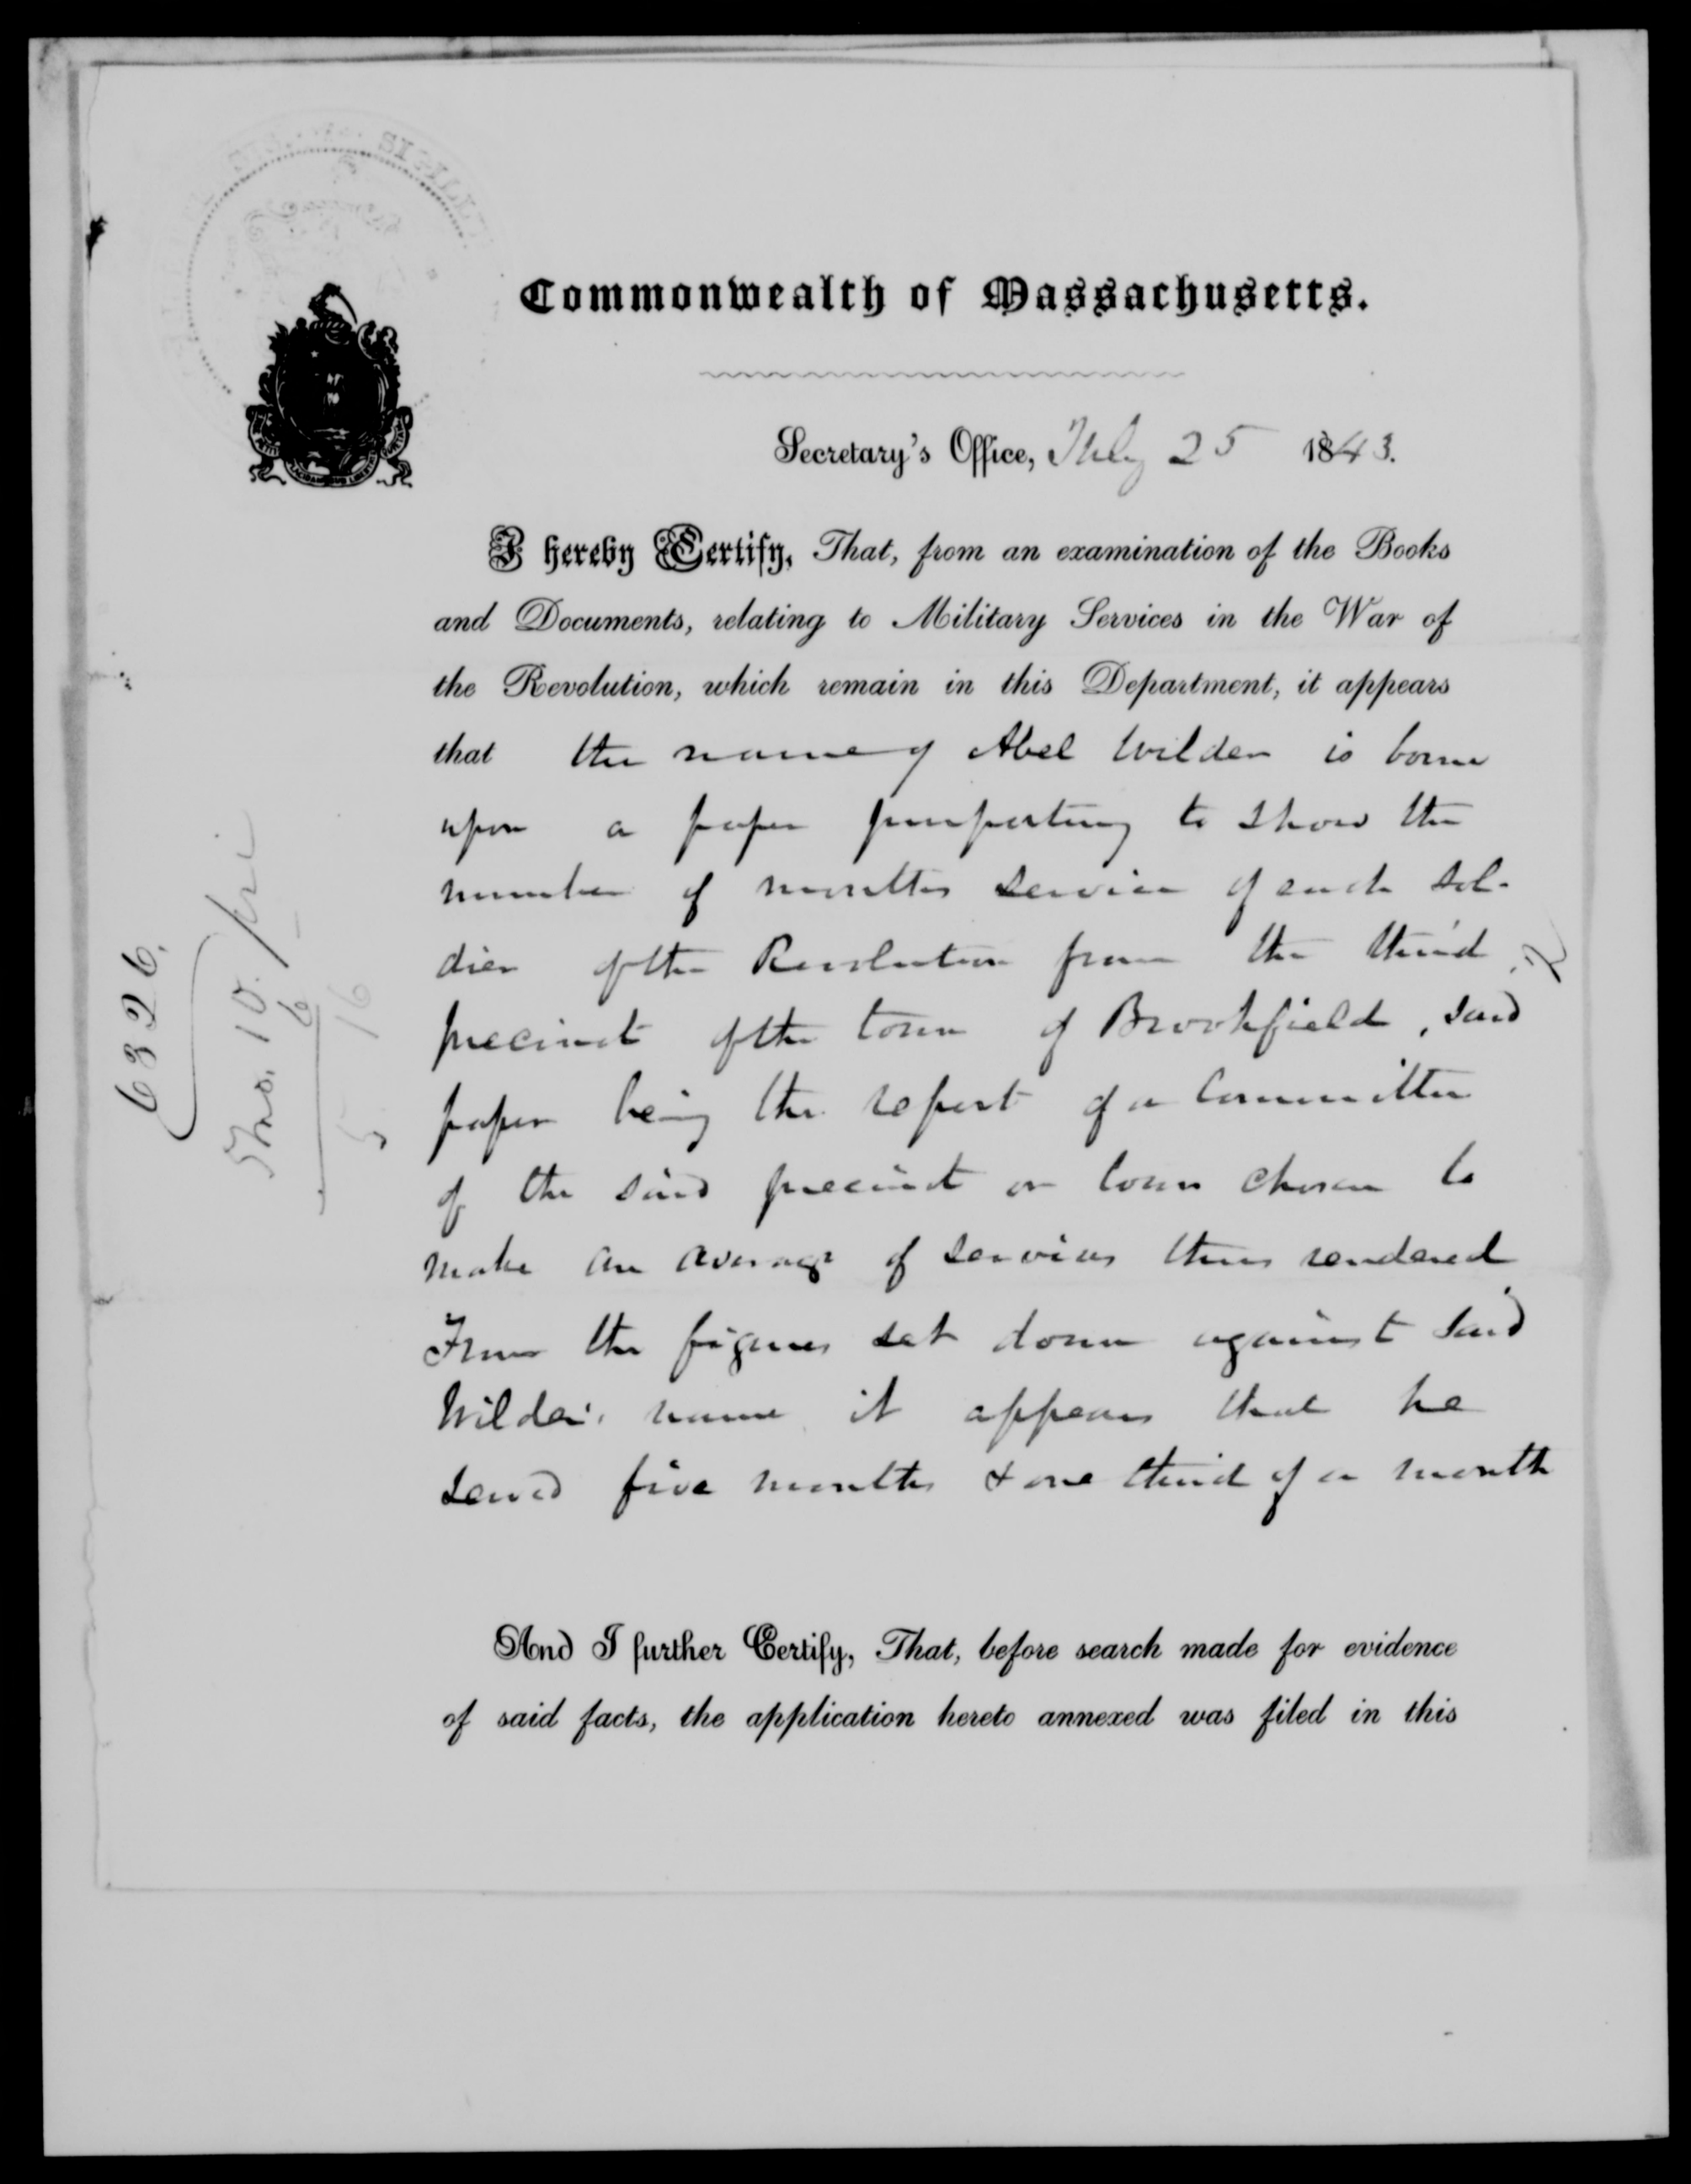[unreadable/faded stamped seal over a coat of arms in upper left corner]

[print] Commonwealth of Massachusetts.

Secretary’s Office, [handwritten] July 25 [print] 18 [handwritten]43.

I hereby Certify, that, from an examination of the Books
And Documents, relating to Military Services in the War of
the Revolution, which remain in this Department, it appears 
that [handwritten] the name of Abel Wilder is borne
upon a paper purporting to show the 
number of months service of each sol-
dier of the Revolution from the third
precinct of the town of Brookfield said
paper being the report of a Committee
of the said precinct or town charter to
make an average of services thus rendered
From the figures set down against said 
Wilder named it appears that he
served five months and one third of a month

[printed] And I further Certify, that, before search made for evidence 
/ of said facts, the application hereto annexed was filed in this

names: Abel Wilder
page: 7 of 40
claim: widow's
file: W. 18,426, Abel Wilder, Mass. N.H. Vt.